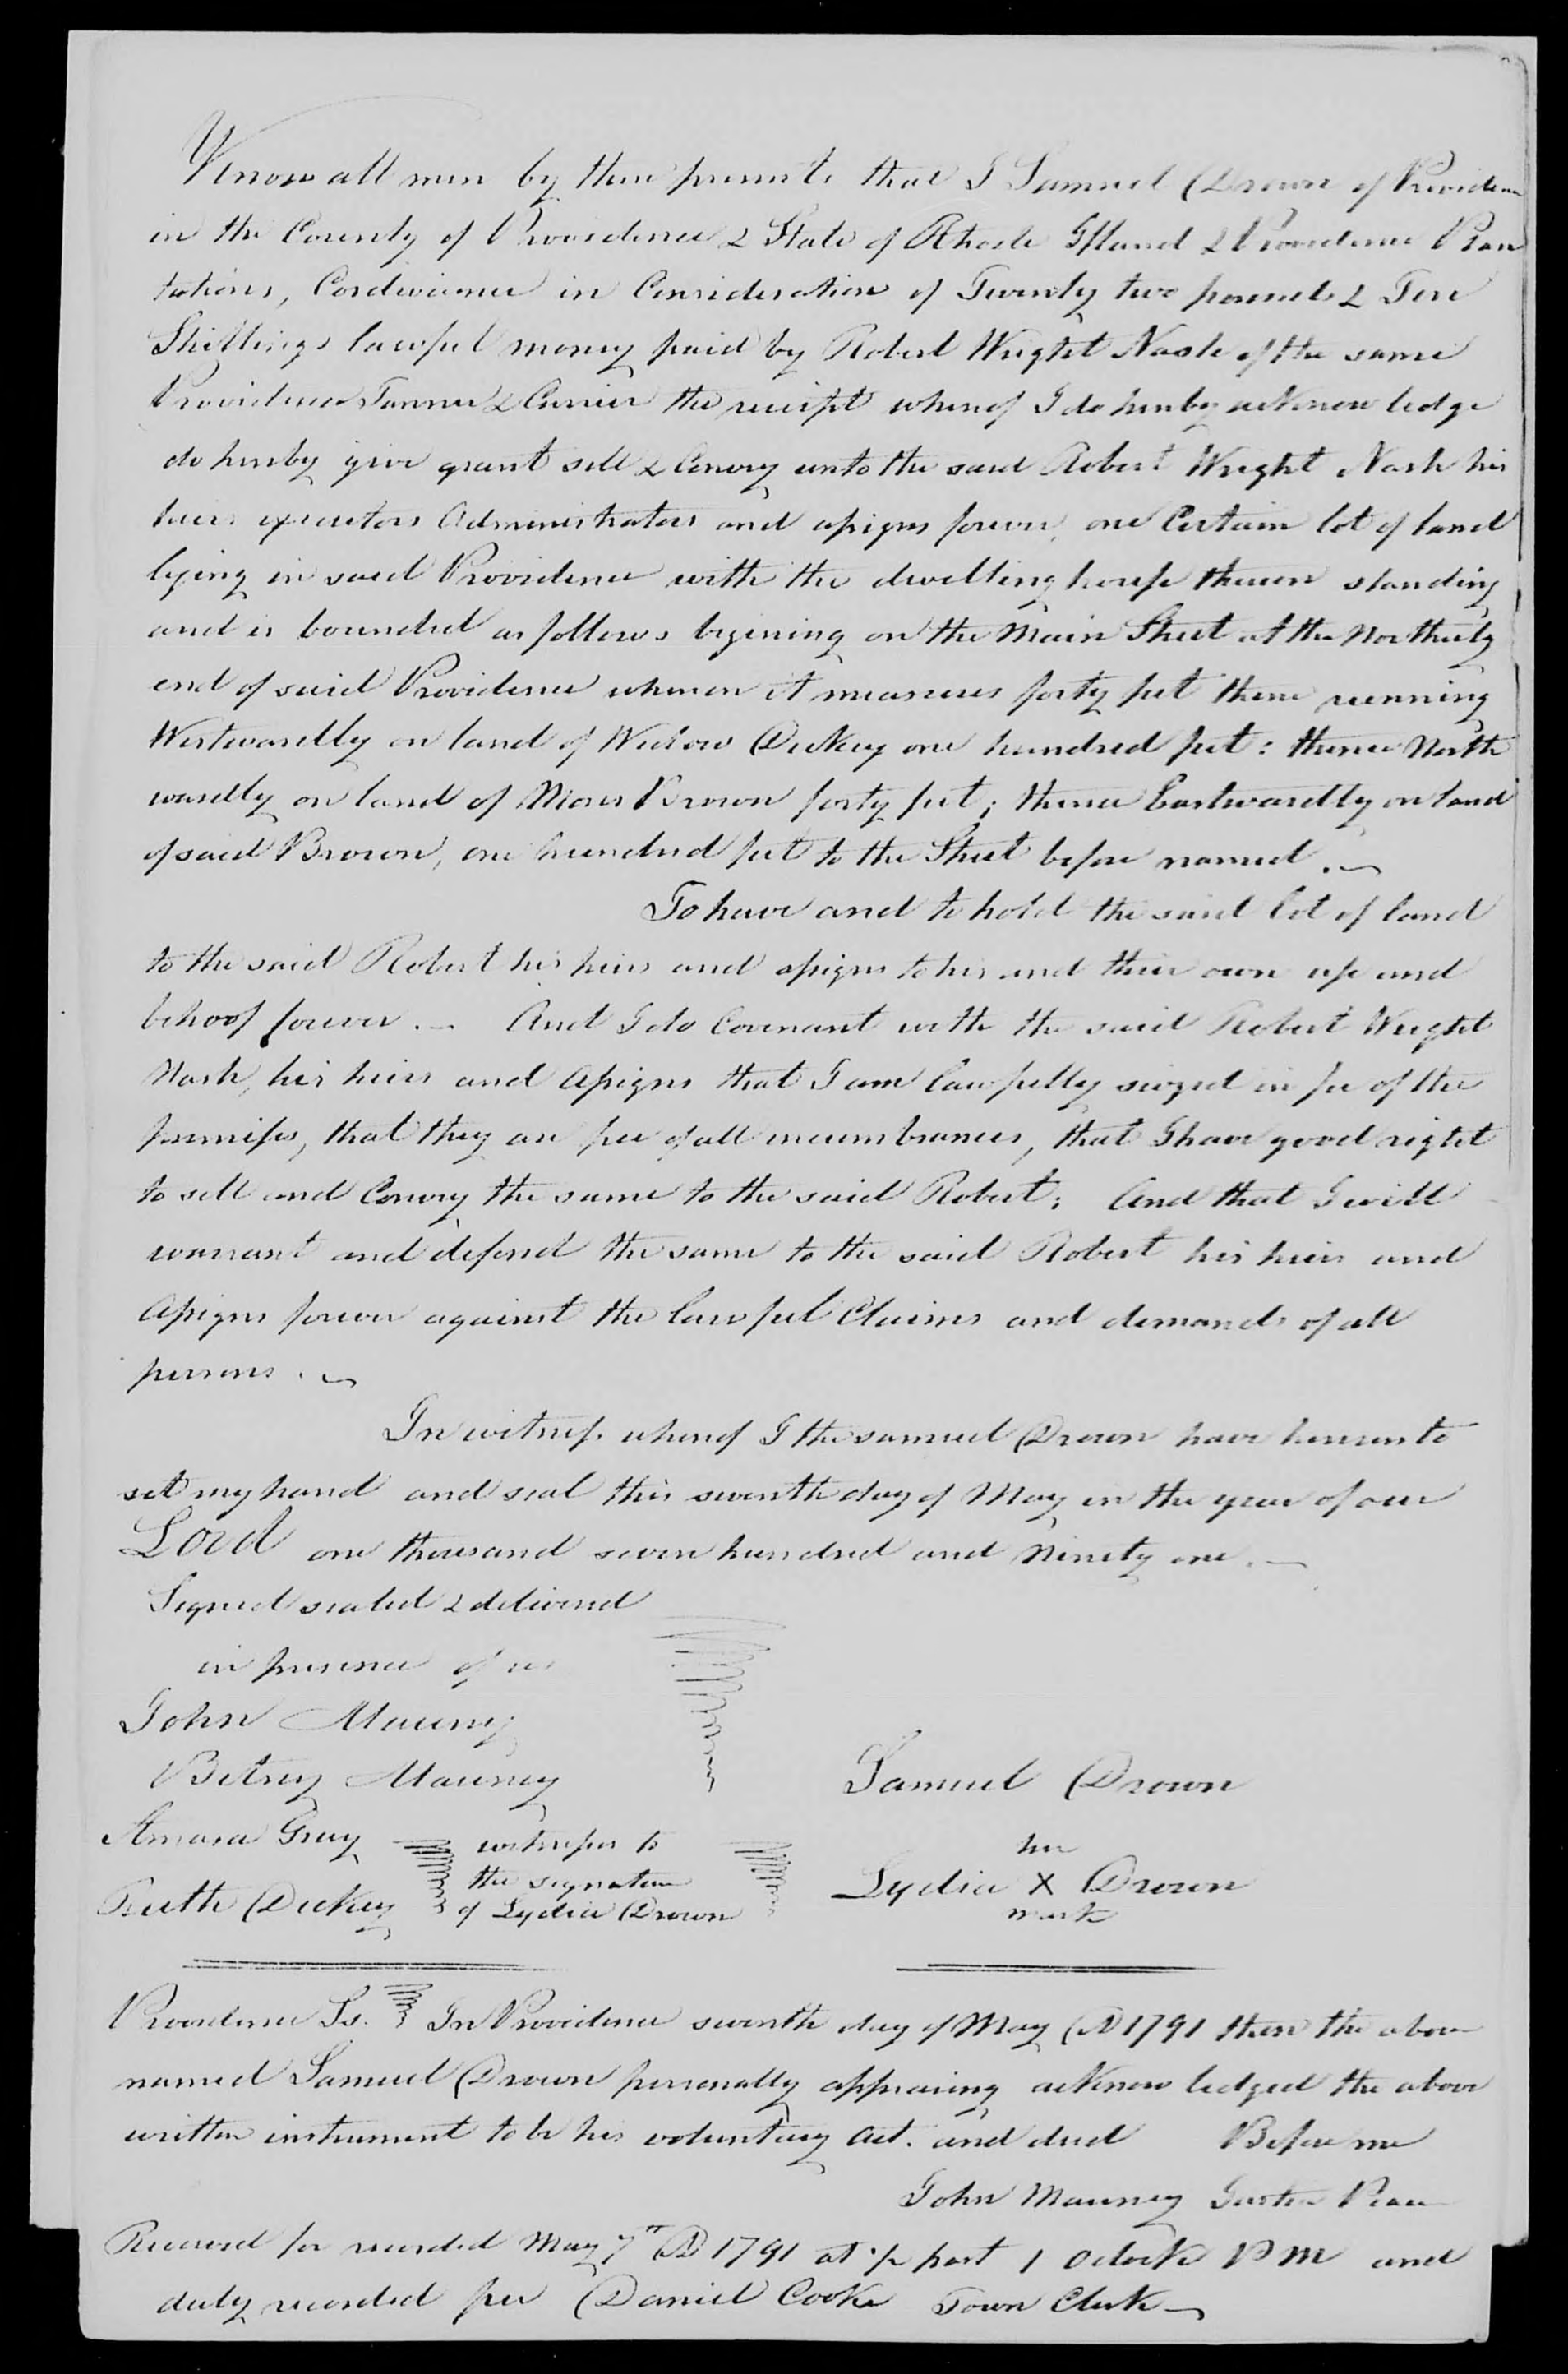Know all men by them presents that I Samuel Drown of Providence in the County of Providence & State of Rhode Island & Providence Plantations, [illegible] in consideration of Twenty two pounds & Ten Shillings lawful money paid by Robert Wright Nash of the same Providence Tanner & Currier the receipt whereof I do hereby acknowledge
do hereby give grant sell & convey unto the said Robert Wright Nash his heirs executors administrators and assigns forever one certain lot of land lying in said Providence with the dwelling house thereon standing and is bounded as follows beginning on the main Street at the Northerly
end of said Providence whereon it measures forty feet thence running Westwardly on land of Widow Dickey one hundred feet: thence Northwardly on land of Moses Brown forty feet; thence Eastwardly on land of said Brown, one hundred feet to the street before named

To have and to hold the said lot of land
to the said Robert his heirs and assigns to his and their own up and behoof forever. And I do Covenant with the said Robert Wright
Nash his heirs and assigns that I am lawfully seized in fee of the premises, that they are free of all incumbrances, that I have good right
to sell and convey the same to the said Robert, and that I will warrant and defend the same to the said Robert his heirs and assigns forever against the lawful claims and demands of all persons. -

In witness whereof I the Samuel Drown have hereunto set my hand and seal this seventh day of May in the year of our Lord one thousand seven hundred and ninety one. -

Signed sealed & delivered
in presence of us
John Mauney
Betsey Mauney
Amasa Gray 
Ruth Dickey
witnesses to the signature of Lydia Drown

Samuel Drown 
Lydia Drown her X mark

Providence Ss.  In Providence seventh day of May Ad 1791 then the above named Samuel Drown personally appearing acknowledged the above
written instrument to be his voluntary act and deed Before me
John Mauney Justice Peace
Received for recorded May 7th AD 1791 at ½ past 1 Oclock PM and duly recorded per Daniel Cooke Town Clerk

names: Robert Wright Nash, Moses Brown, Robert, Samuel Drown, Samuel Drown, Ruth Dickey, Brown, Robert, Lydia Drown, Samuel Drown, Dickey, Robert Wright Nash, Amasa Gray, Robert Wright Nash, Robert, John Mauney, Lydia Drown, Samuel Drown, Betsey Mauney, John Mauney, Daniel Cook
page: 15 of 31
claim: widow's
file: W 21004, Samuel Drown, R.I.